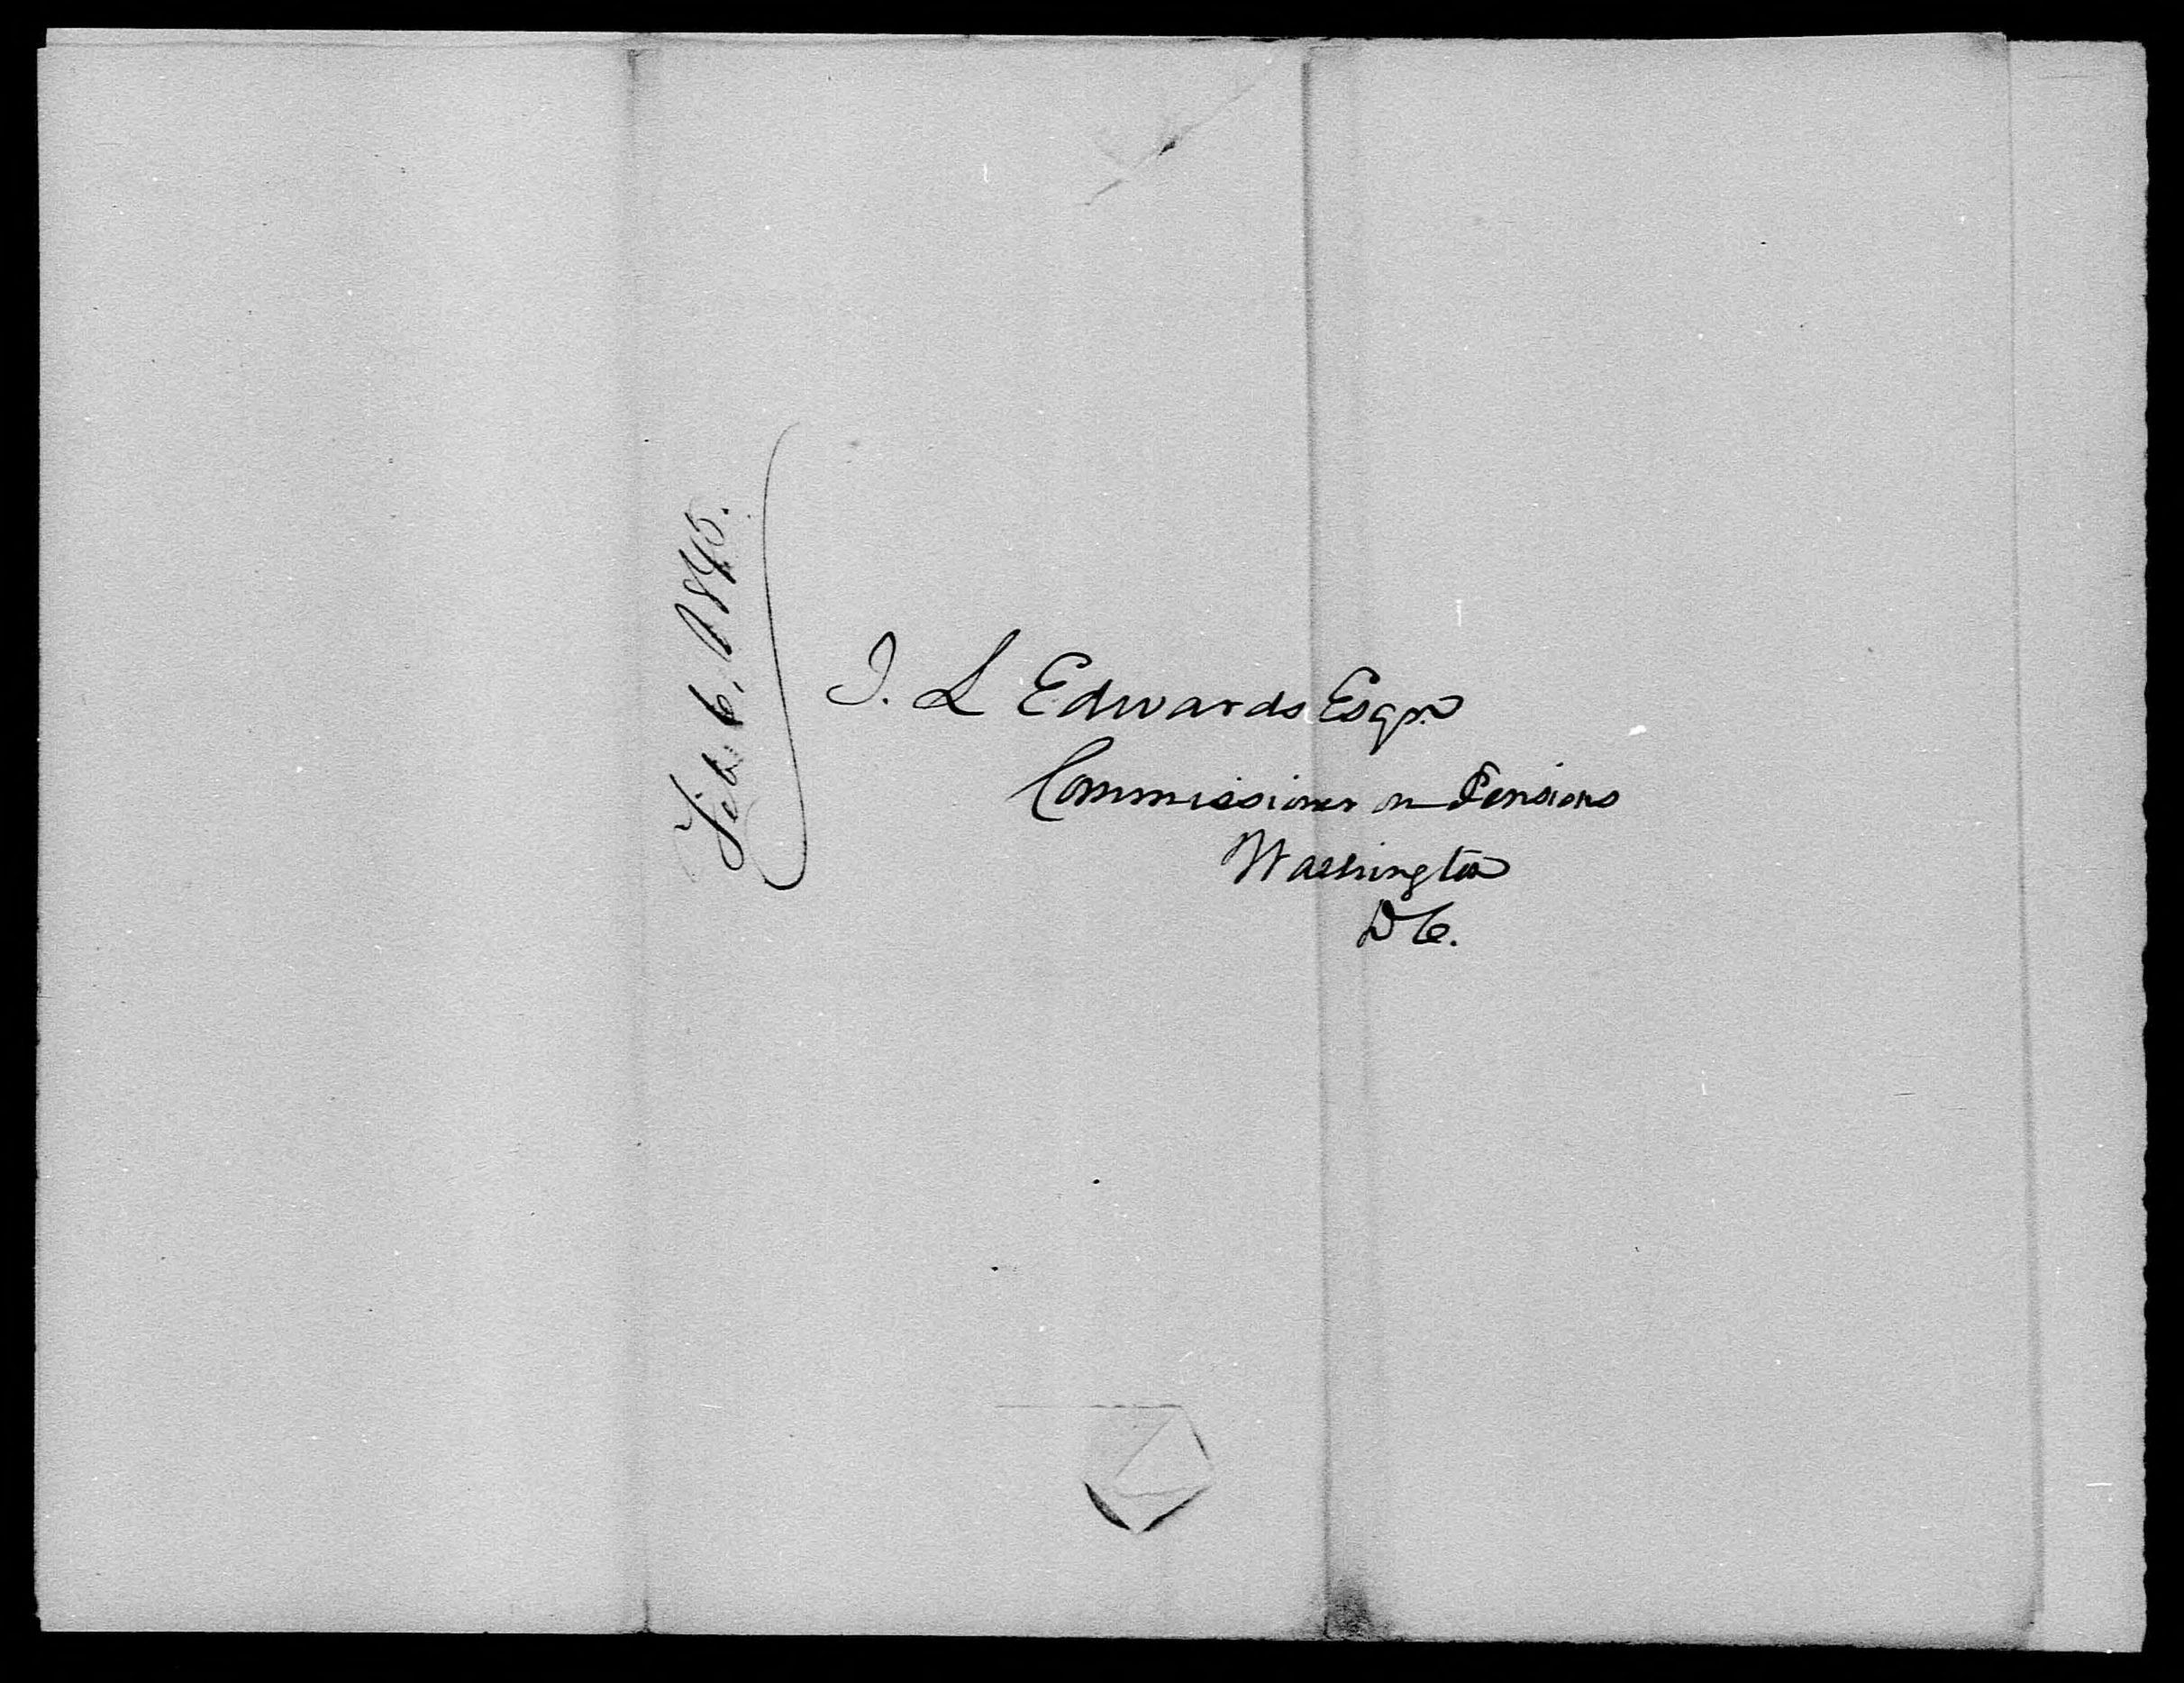[left margin]
Feb 6, 1845.

[center] 
J. L. Edwards Esqr.
Commissioner on Pensions
Washington
DC.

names: J L Edwards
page: 16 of 26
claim: widow's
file: W 25651, Robert Cross, Md.